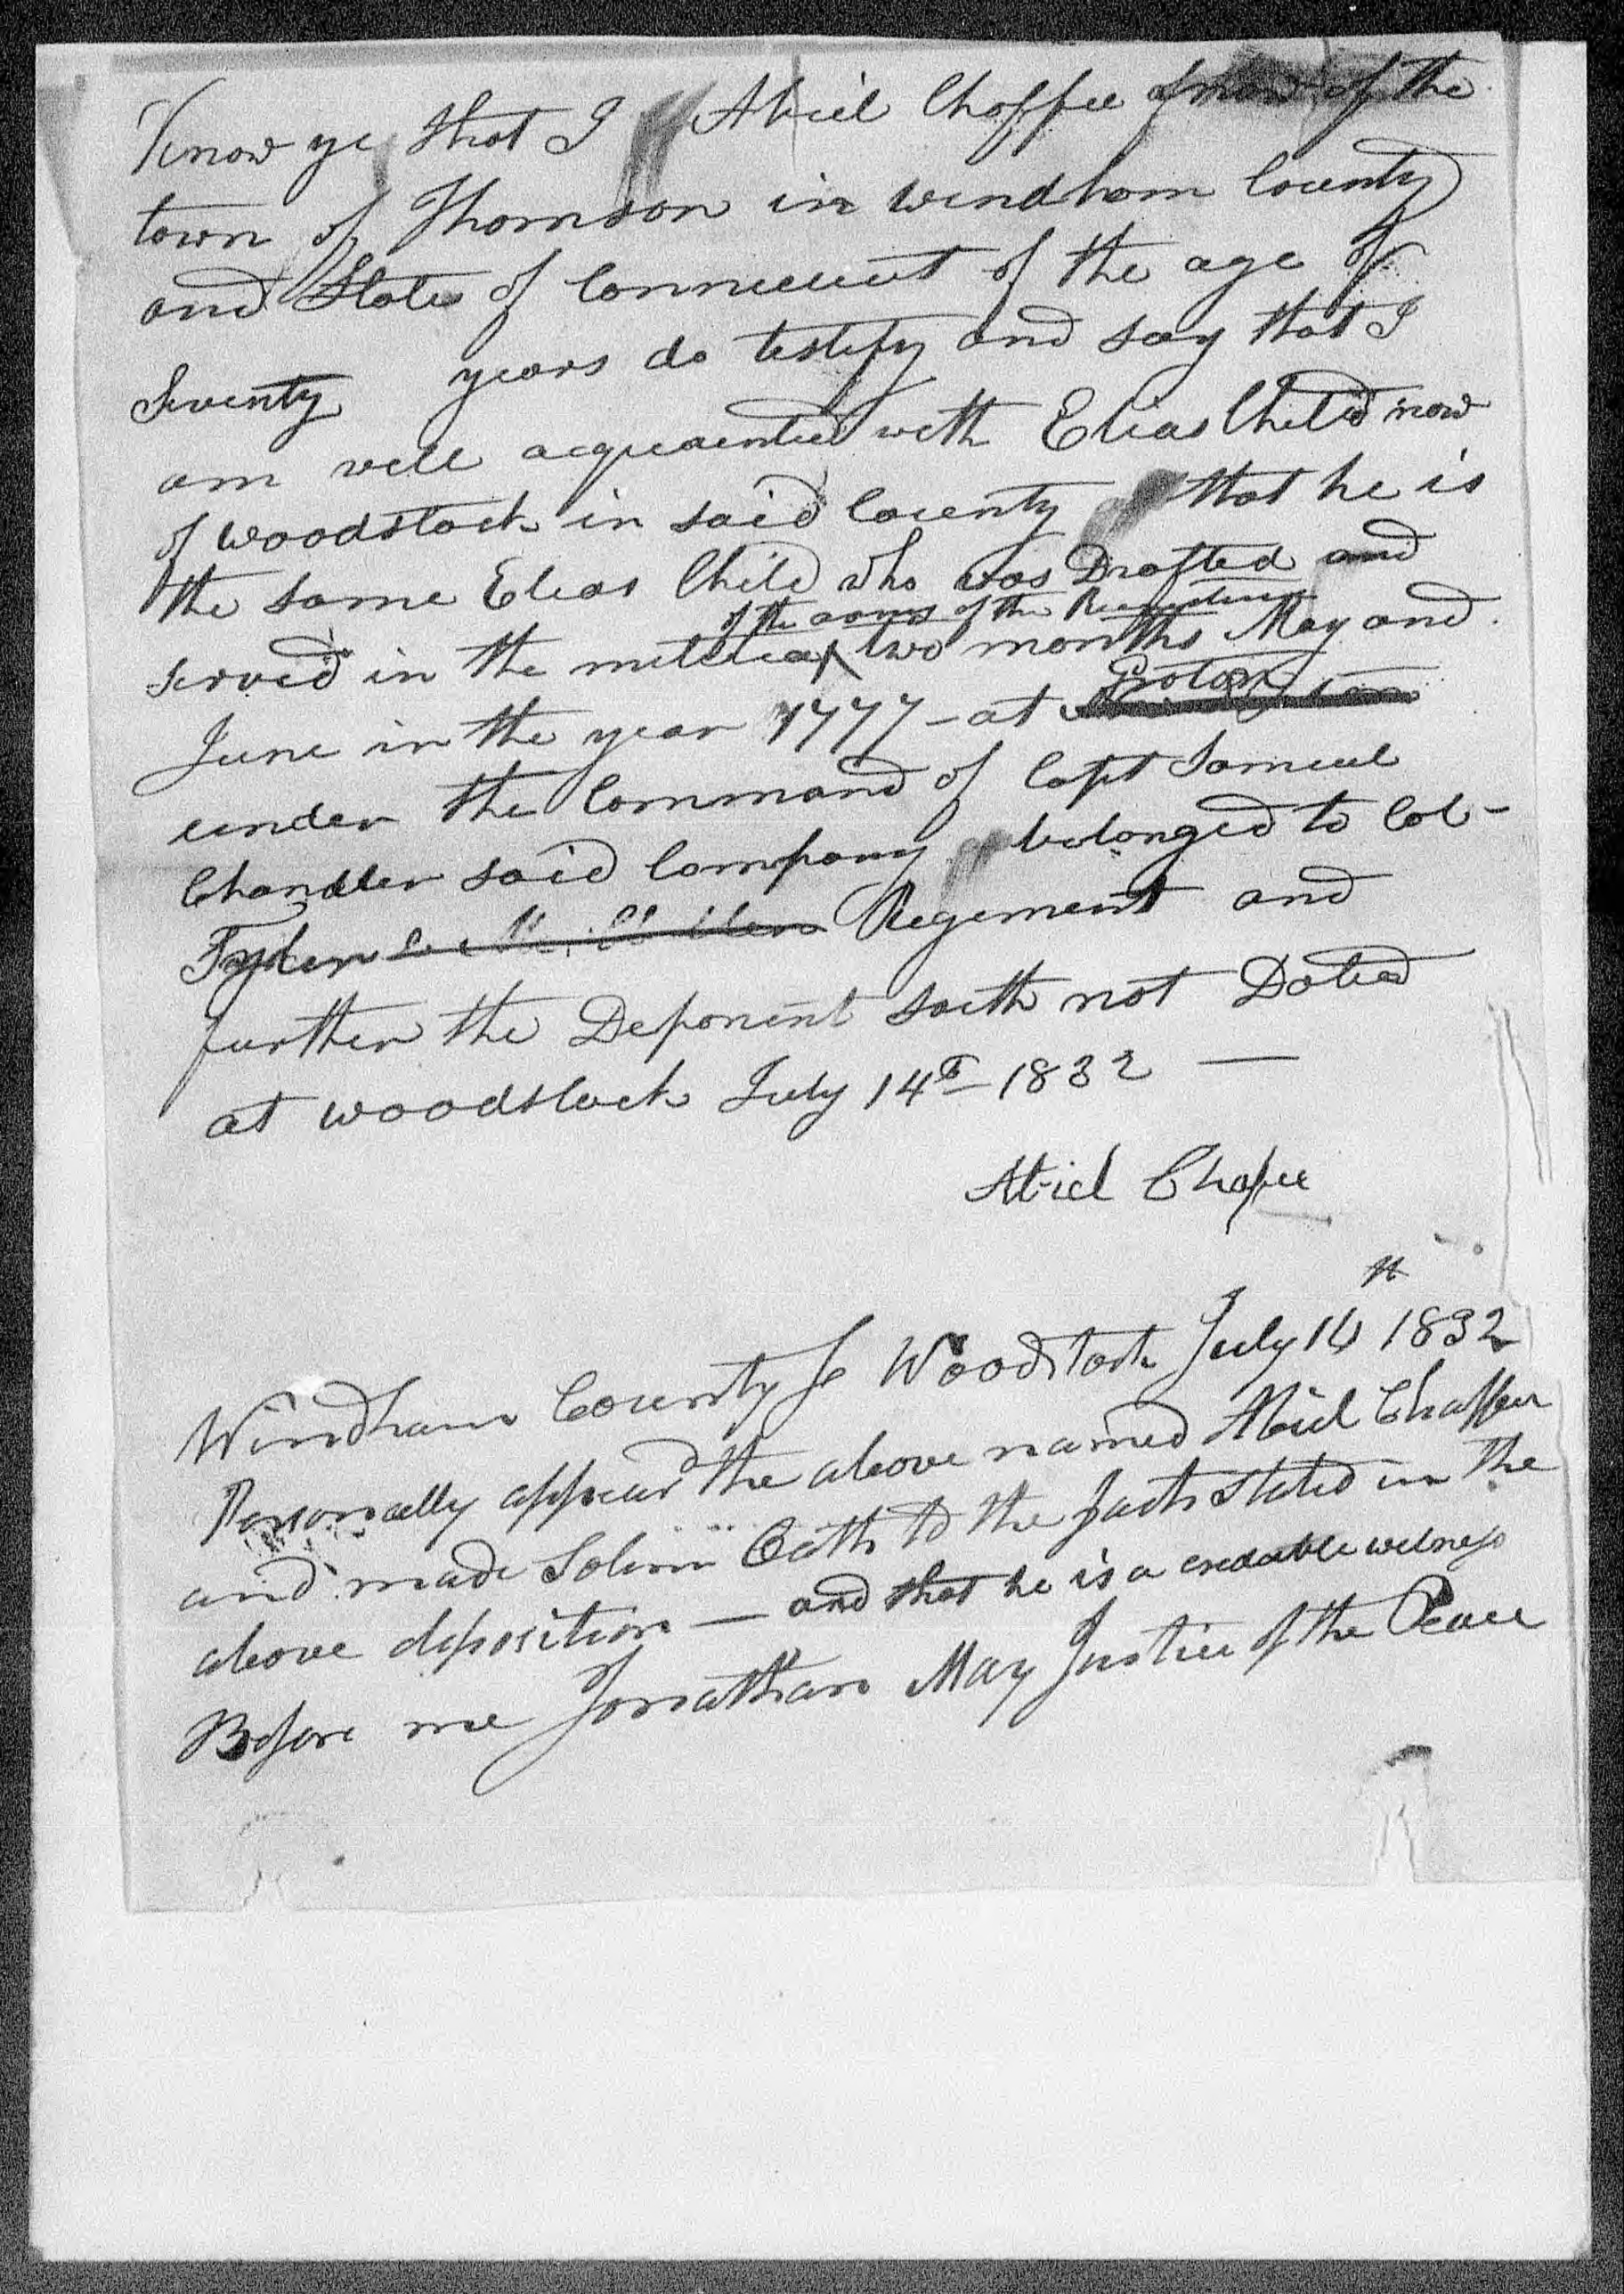Know ye that I Abiel Chaffee now of the town of Thomson in Windham County and State of Connecticut of the age of Seventy years do testify and say that I am well acquainted with Elias Child now of Woodstock in said County that he is the same Elias Child who was drafted and served in the military at the army of the Revolutionary two months May and June in the year 1777 - at Groton under the command of Capt Samuel Chandler said company belonged to Col Tyler Regiment and further the Deponent saith not doubt at Woodstock July 14th 1832 - 
Abiel Chaffee

Windham County of Woodstock July 14 1832
Pesonally appear the above named Abiel Chandler and made solemn oath to the facts stated in the above deposition - and that he is a credible witness
Before me Jonathon May Justice of the Peace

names: Abiel Chafee, Elias Child, Jonathan May, Samuel Chandler, Elias Child, Abiel Chaffee, Abiel Choffee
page: 17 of 34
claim: survivor's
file: S. 31,605, Elias Child, Conn.